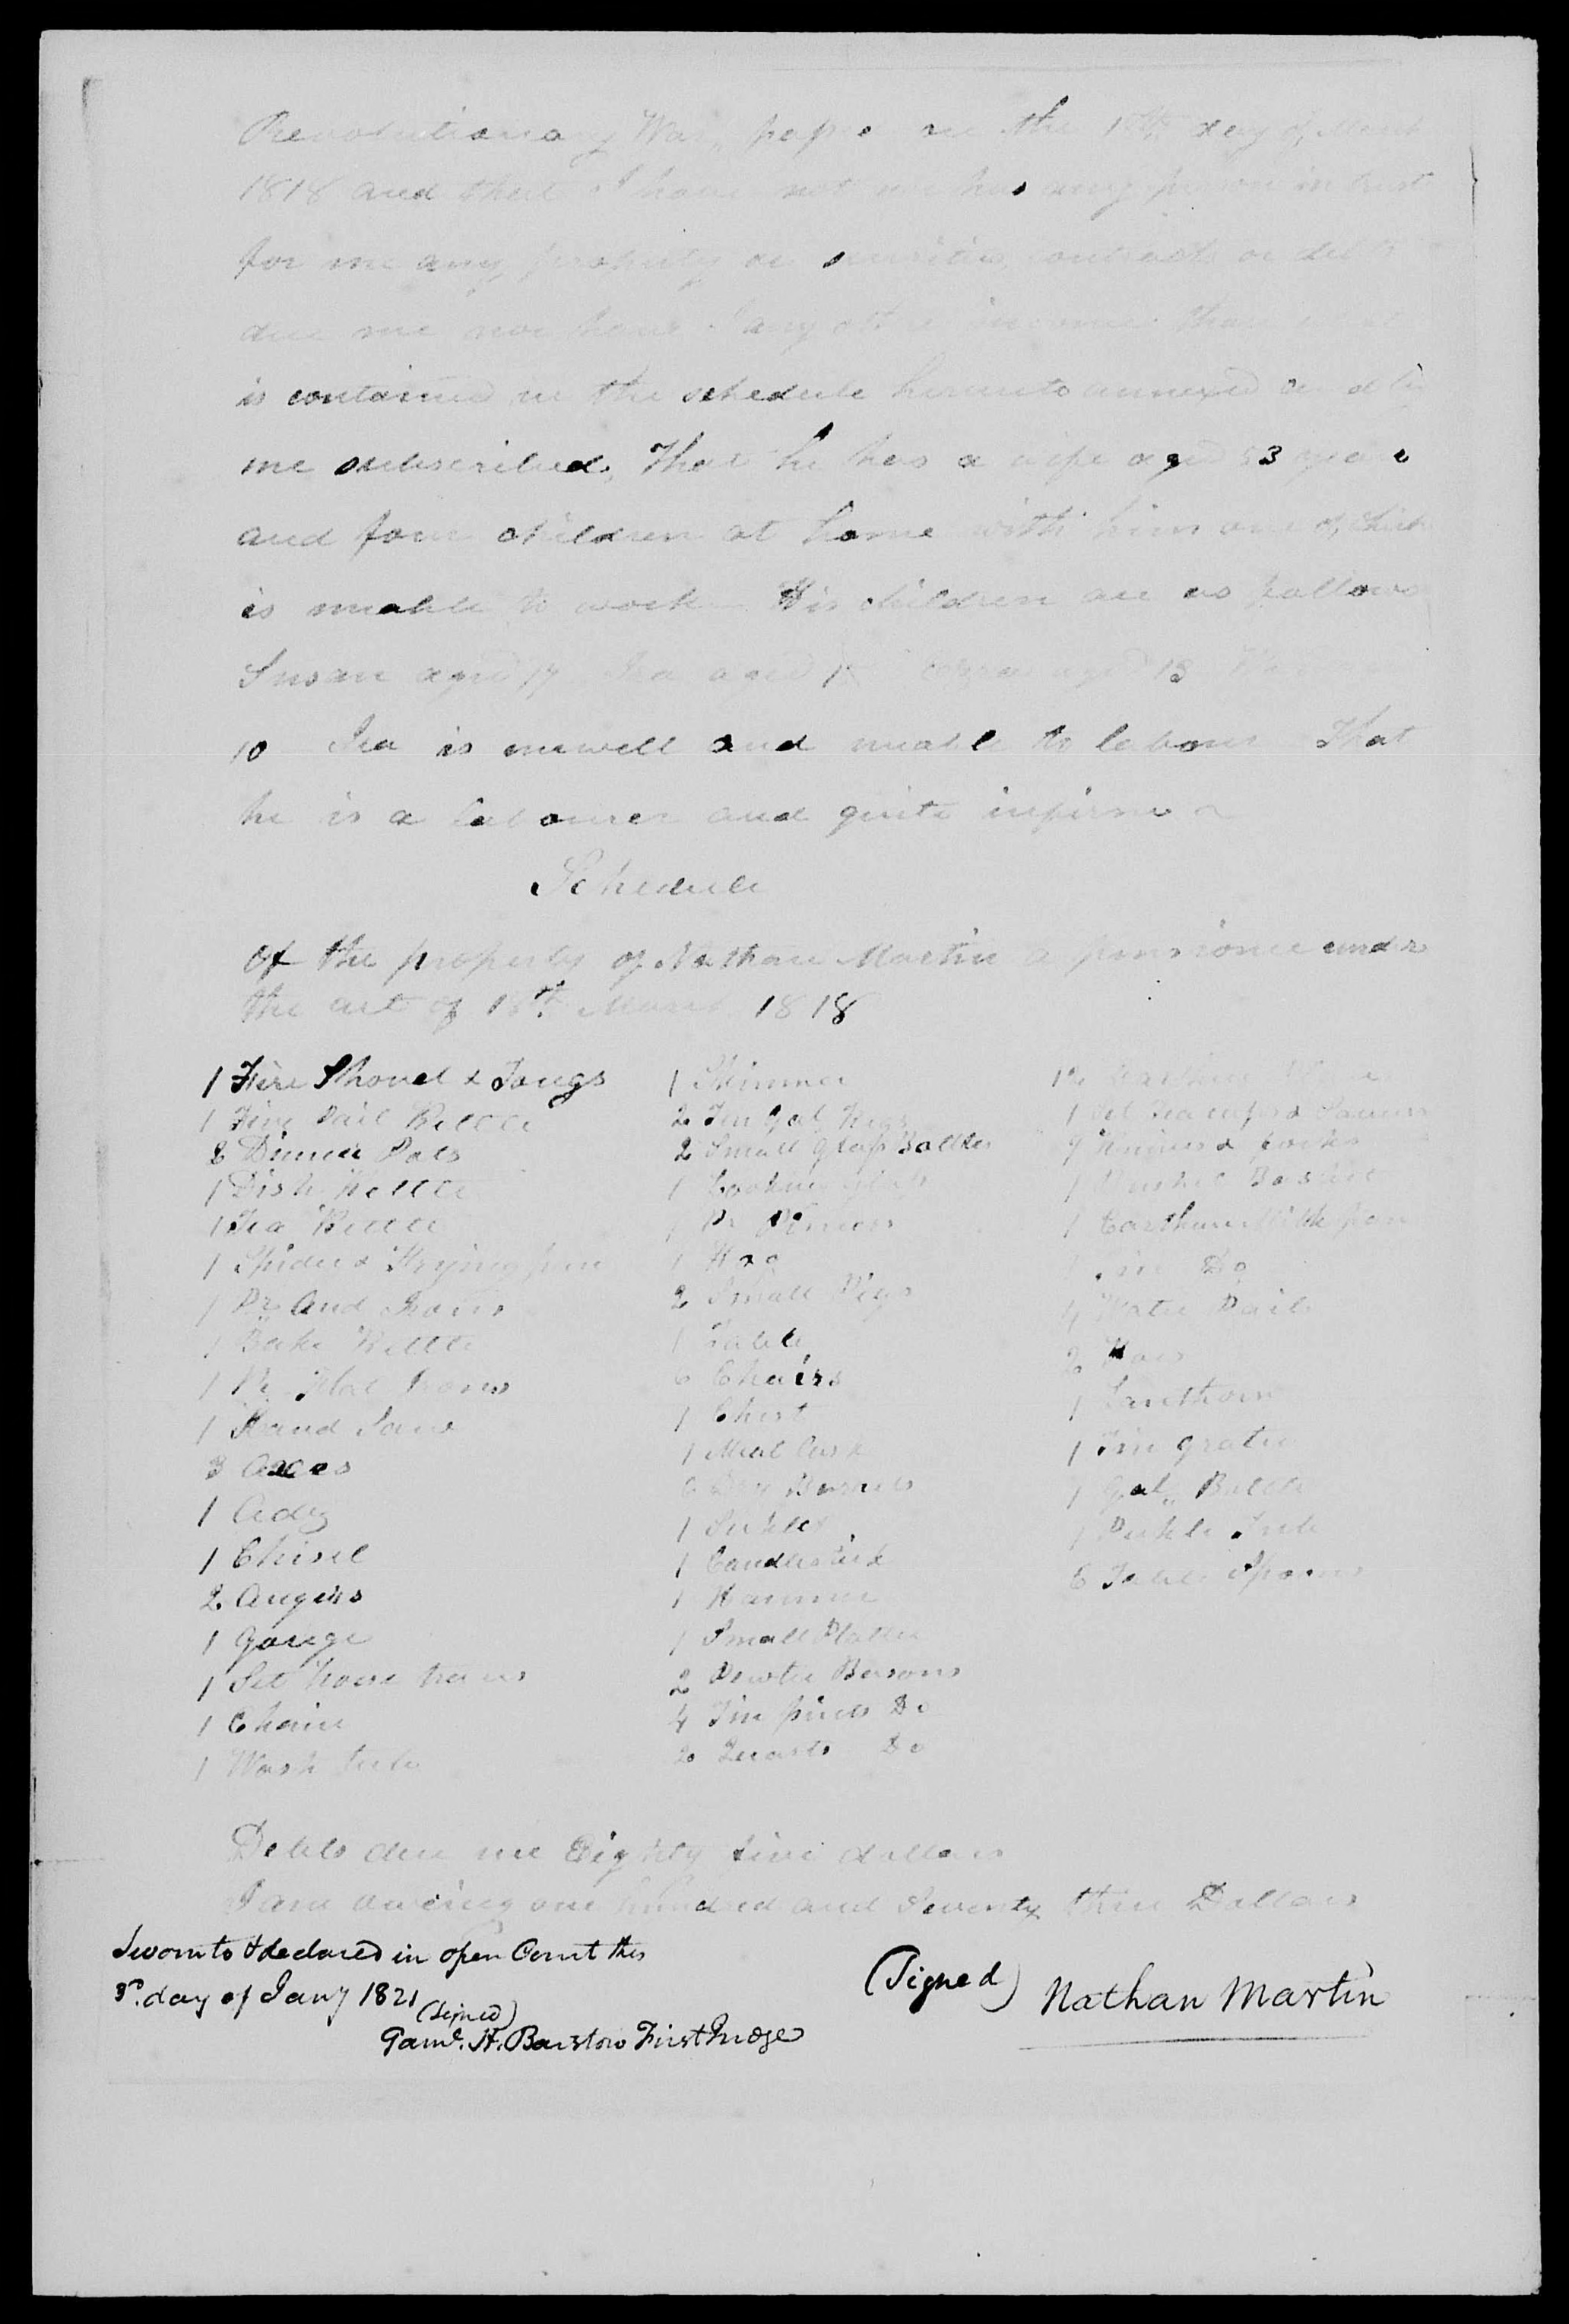Revolutionary War passed on the 18th day of March 1818 and that I have not nor has any person in [illegible] for me any property or securities contracts or debts due me nor have I any other income [illegible] due me nor have I any other income [illegible] is contained in the schedule hereunto annexed a [illegible] subscribed That he has a wife aged 53 yrs and four children at home with him one of which is unable to work  His children are as follows Susan age 17  Ira aged 15 [illegible] age 15 [illegible] 10 Ira is unwell and unable to labour That he is a labourer and quite infirm

Schedule
of the property of Nathan Martin a pensioner under the act of 18th March 1818

[column 1]
1 Fire shovel & tongs
1 fire pail [illegible]
6 dinner pots
1 dish kettle
1 tea kettle
1 spider & frying pan
1 pr andirons
1 bake kettle
1 pr flat irons
1 hand saw
3 aces
1 ady
1 chisel
2 augers
1 gauge
1 set trace [illegible]
1 chain
1 was tub

[column 2]
1 Shimner
2 tin gal kegs
2 small glass bottles
1 loading [illegible]
1 pr [illegible]
1 flag
2 small pigs
1 table
6 chairs 
1 chest
1 meat cask
6 dry barrels
1 [illegible]
1 candlestick
1 hammer
1 small plate
2 pewter basons
4 tin pieces
20 [illegible]

[column 3]
12  [illegible]
1 set tea cups & saucers
9 knives & forks
1 bushel basket
1 [illegible]
[illegible]
4 water pails
2 hoes
1 lantern
1 tin gratn
1 gal butter
1 pickle fork
6 table spoons

Debts due me eighty fix dollars
I am owing one hundred and seventy three Dollars

Sworn & declared in open court this 3rd day of Jany 1821 (signed) [signature] H. Barston First Judge

(signed) [signature] Nathan Martin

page: 9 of 30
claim: widow's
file: W. 23,904, for Nathan Martin, New Hampshire